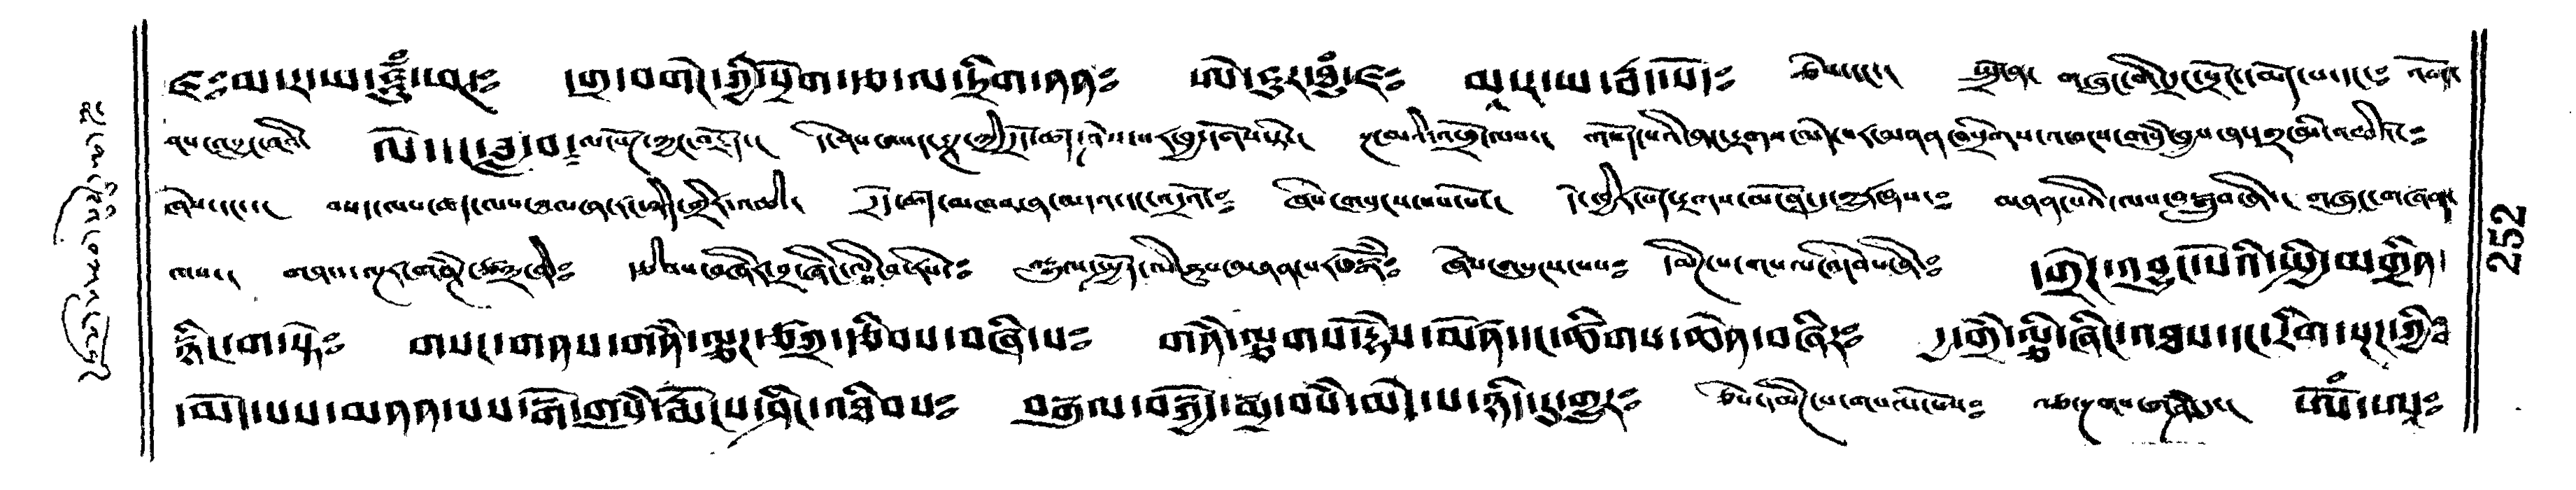ཛཿམ་ར་ཡ་ཧཱུྃ་ཕཊཿ དགྲ་བགེགས་ཀྱི་སྲོག་རྩ་ལ་ཏྲིག་ནནཿ ཨེ་ཧུར་ཐུམ་ཛཿ མཱ་ར་ཡ་རྦད་སོདཿ ཅེས་དང་སྤྲོ་ན་གཞུང་གི་དྲང་སྲོང་དམོད་པ་དང་། འབོད་
ནས་འབྱུང་བའི་ལོ་དང་ཟླ་བ་ལ་སོགས་ཀྱང་རྗོད། དེ་ནས་བསད་རྟགས་ཀྱི་དྲོད་ཚད་ཤེས་པར་བྱ་དགོས་ཏེ། སྔ་མའི་འཕྲོ་ལས་གསོད་པའི་ནང་རྟགས་མེད་པར་མནན་བསྲེགས་འཕངས་གསུམ་བྱས་ན་དགྲ་མི་འཆིའོཿ 
ཞེས་དང་། བསད་ལས་ཚད་ལས་ཐལ་ན་རང་ཉིད་གྲིར་འཆི། དྲོད་ཚད་མཁས་ན་མདའ་དང་འདྲའོཿ ཞེས་གསུངས་པས་སོ། དེ་ཕྱིར་སོད་རྟགས་མངོན་གྱུར་ནསཿ མནན་པའི་ལས་སྒྲུབ་ནི་གཞུང་གཞན་
ལས་གནས་ལྔར་གནམ་ལྕགས་ཙཀྲ་ནིཿ སྒུལ་སྤྱོད་མི་ནུས་མནན་པར་སྒོམསཿ ཞེས་གསུངས་པས། དམིགས་པ་གསལ་འདེབས་ནིཿ དགྲ་བགེགས་བྱུང་པོའི་སྤྱི་མགྲིན་
སྙིང་ག་སྟེཿ གསང་གནས་གནམ་ལྕག་ཙཀྲ་རྩིབས་བཞ ི་པཿ གནམ་ལྕགས་རྡོ་རྗེས་མཚོན་དང་ཚིགས་ཆེན་བཞིརཿ རྒྱ་གྲམ་ལྕི་ཞིང་འཐས་དང་རིག་སྔགས་ཀྱིཿ 
དམོད་པས་མནན་པས་སྒོ་གསུམ་རྨོངས་ཤིང་འཐིབཿ བསྒུལ་བསྐྱོད་སྨྲ་བསམ་མེད་པ་ཉིད་དུ་གྱུརཿ ཅེས་དམིགས་པ་གསལ་པོས། རྩ་སྔགས་གཤམ་དུ། ཨོཾ་ཨཱཿ